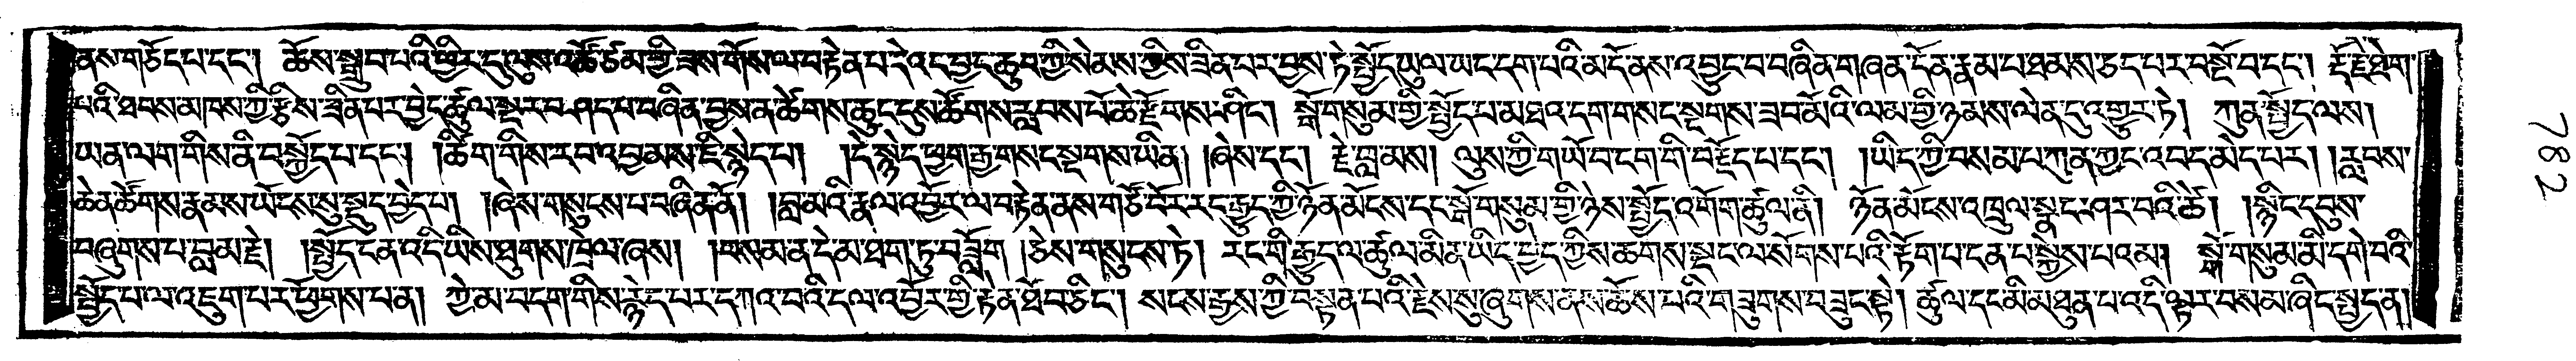ནས་གཅོད་པ་དང་། ཆོས་སྒྲུབ་པའི་ཕྱིར་དུ་ལུས་འཚོ་ཙམ་གྱི་ཟས་གོས་ལ་བརྟེན་པ་དེའང་བྱང་ཆུབ་ཀྱི་སེམས་ཀྱིས་ཟིན་པར་བྱས་ཏེ་སྤྱོད་ཡུལ་ཡང་དག་པའི་མདོ་ནས་འབྱུང་བ་བཞིན་གཞན་དོན་རྣམ་པ་ཐམས་ཅད་པར་བསྔོ་བ་དང་། རྡོ་རྗེ་ཐེག་
པའི་ཐབས་མཁས་ཀྱི་རྩིས་ཟིན་པར་བྱེད་ཚུལ་སྔར་བཤད་པ་བཞིན་བྱས་ན་ཚེགས་ཆུང་དུས་ཚོགས་རླབས་པོ་ཆེ་རྫོགས་ཤིང་། སྒོ་གསུམ་གྱི་སྤྱོད་པ་མཐའ་དག་གསང་སྔགས་ཟབ་མོའི་ལམ་གྱི་ཉམས་ལེན་དུ་འགྱུར་ཏེ། ཀུན་སྤྱོད་ལས།
ཡན་ལག་གིས་ནི་བསྐྱོད་པ་དང་། །ཚིག་གིས་རབ་འབྱམས་ཇི་སྙེད་པ། །དེ་སྙེད་ཕྱག་རྒྱ་གསང་སྔགས་ཡིན། །ཞེས་དང་། རྗེ་བླ་མས། ལུས་ཀྱི་གཡོ་བ་ངག་གི་བརྗོད་པ་དང་། །ཡིད་ཀྱི་བསམ་པ་ཀུན་ཀྱང་འབད་མེད་པར། །རླབས་
ཆེན་ཚོགས་རྣམས་ཡོངས་སུ་སྡུད་བྱེད་པ། །ཞེས་གསུངས་པ་བཞིན་ནོ། །བླ་མའི་རྣལ་འབྱོར་ལ་བརྟེན་ནས་གཙོ་བོར་རང་རྒྱུད་ཀྱི་ཉོན་མོངས་དང་སྒོ་གསུམ་གྱི་ཉེས་སྤྱོད་འགོག་ཚུལ་ནི། ཉོན་མོངས་འཁྲུལ་སྣང་ཤར་བའི་ཚེ། །སྙིང་དབུས་
བཞུགས་པ་བླ་མ་རྗེ། །སྤྱོད་ངན་འདི་ཡིས་ཐུགས་ཁྲེལ་ཞས། །བསམ་ན་དེ་མ་ཐག་ཏུ་བཟློག །ཅེས་གསུངས་ཏེ། རང་གི་རྒྱུད་ལ་ཚུལ་མིན་ཡིད་བྱེད་ཀྱིས་ཆགས་སྡང་ལ་སོགས་པའི་རྟོག་པ་ངན་པ་སྐྱེས་པའམ། སྒོ་གསུམ་མི་དགེ་བའི་
སྤྱོད་པ་ལ་འཇུག་པར་ཕྱོགས་པ་ན། ཀྱེ་མ་བདག་གིས་རྙེད་པར་དཀའ་བའི་དལ་འབྱོར་གྱི་རྟེན་ཐོབ་ཅིང་། སངས་རྒྱས་ཀྱི་བསྟན་པའི་རྗེས་སུ་ཞུགས་ནས་ཆོས་པའི་གཟུགས་བཟུང་སྟེ། ཚུལ་དང་མི་མཐུན་པ་འདི་ལྟར་བསམ་ཞིང་སྤྱད་ན།